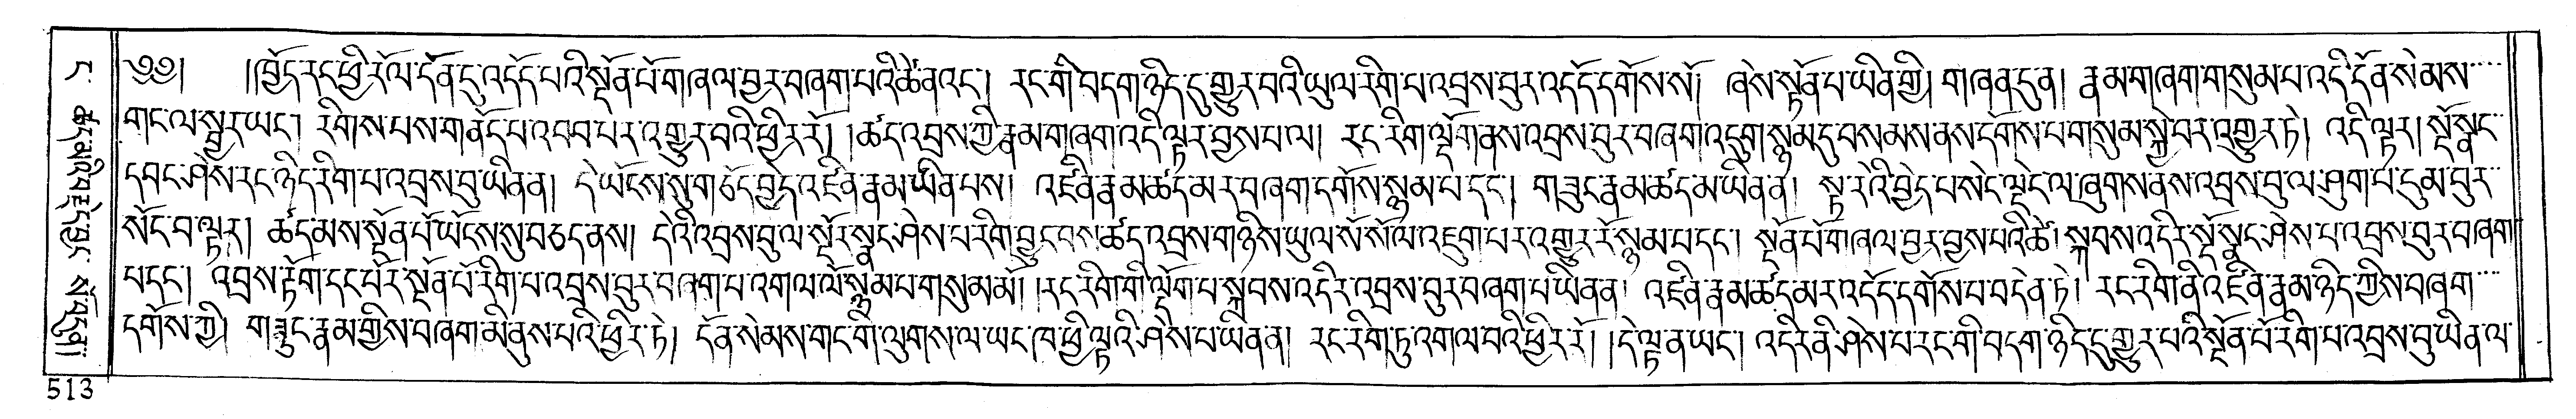༄༅། །ཁྱོད་རང་ཕྱི་རོལ་དོན་དུ་འདོད་པའི་སྔོན་པོ་གཞལ་བྱར་བཞག་པའི་ཚེ་ནའང་། རང་གི་བདག་ཉིད་དུ་གྱུར་པའི་ཡུལ་རིག་པ་འབྲས་བུར་འདོད་དགོས་སོ། ཞེས་སྟོན་པ་ཡིན་གྱི། གཞན་དུ་ན། རྣམ་གཞག་གསུམ་པ་འདི་དོན་སེམས་
གང་ལ་སྦྱར་ཡང་། རིགས་པས་གནོད་པ་འབབ་པར་འགྱུར་བའི་ཕྱིར་རོ། །ཚད་འབྲས་ཀྱི་རྣམ་གཞག་འདི་ལྟར་བྱས་པ་ལ། རང་རིག་ལྡོག་ནས་འབྲས་བུར་བཞག་འདུག་སྙམ་དུ་བསམས་ནས་དོགས་པ་གསུམ་སྐྱེ་བར་འགྱུར་ཏེ། འདི་ལྟར། སྔོ་སྣང་
དབང་ཤེས་རང་ཉིད་རིག་པ་འབྲས་བུ་ཡིན་ན། དེ་ཡོངས་སུ་གཅོད་བྱེད་འཛིན་རྣམ་ཡིན་པས། འཛིན་རྣམ་ཚད་མར་བཞག་དགོས་སྙམ་པ་དང་། གཟུང་རྣམ་ཚད་མ་ཡིན་ན། སྟ་རེའི་བྱེད་པ་སེང་ལྡེང་ལ་ཞུགས་ནས་འབྲས་བུ་ལ་ཤུག་པ་དུམ་བུར་
སོང་བ་ལྟར། ཚད་མས་སྔོན་པོ་ཡོངས་སུ་བཅད་ནས། དེའི་འབྲས་བུ་ལ་སྔོར་སྣང་ཤེས་བ་རིག་བྱུང་བས་ཚད་འབྲས་གཉིས་ཡུལ་སོ་སོ་ལ་འཇུག་པར་འགྱུར་རོ་སྙམ་པ་དང་། སྔོན་པོ་གཞལ་བྱར་བྱས་པའི་ཚེ། སྐབས་འདིར་སྔོ་སྣང་ཤེས་པ་འབྲས་བུར་བཞག་
པ་དང་། འབྲས་རྟོག་དང་པོར་སྔོན་པོ་རིག་པ་འབྲས་བུར་བཞག་པ་འགལ་ལོ་སྙམ་པ་གསུམ་མོ། །རང་རིག་གི་ལྡོག་པ་སྐབས་འདིར་འབྲས་བུར་བཞག་པ་ཡིན་ན། འཛིན་རྣམ་ཚད་མར་འདོད་དགོས་པ་བདེན་ཏེ། རང་རིག་གི་འཛིན་རྣམ་ཉིད་ཀྱིས་བཞག་
དགོས་ཀྱི། གཟུང་རྣམ་གྱིས་བཞག་མི་ནུས་པའི་ཕྱིར་ཏེ། དོན་སེམས་གང་གི་ལུགས་ལ་ཡང་ཁ་ཕྱི་ལྟའི་ཤེས་པ་ཡིན་ན། རང་རིག་ཏུ་འགལ་བའི་ཕྱིར་རོ། །དེ་ལྟ་ན་ཡང་། འདིར་ནི་ཤེས་པ་རང་གི་བདག་ཉིད་དུ་གྱུར་པའི་སྔོན་པོ་རིག་པ་འབྲས་བུ་ཡིན་ལ་